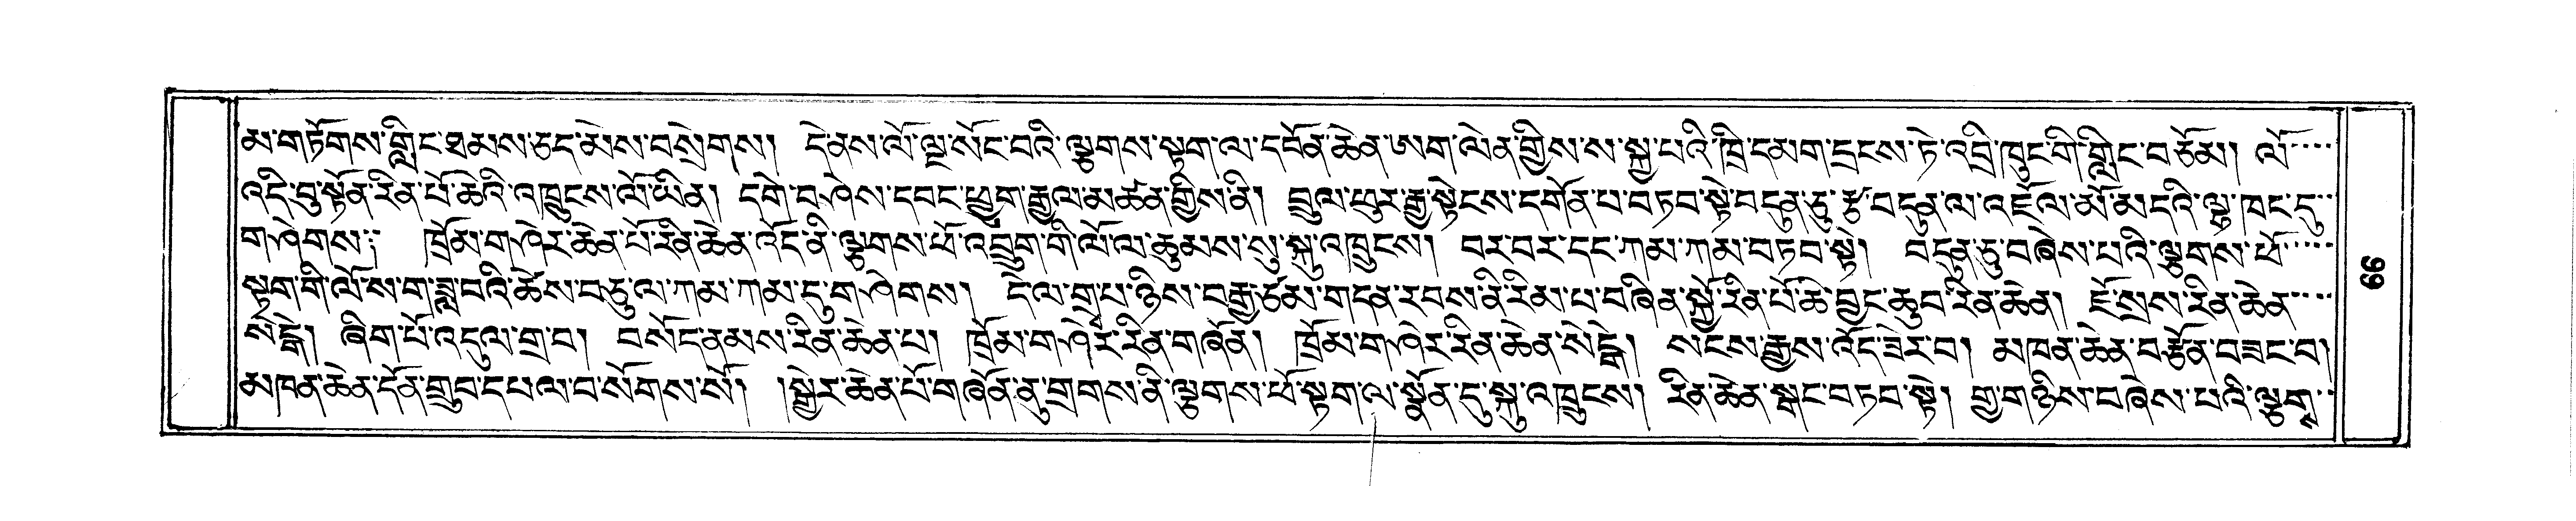མ་གཏོགས་གླིང་ཐམས་ཅད་མེས་བསྲེགས། དེ་ནས་ལོ་ལྔ་སོང་བའི་ལྕགས་སྟག་ལ་དབོན་ཆེན་ཨག་ལེན་གྱིས་ས་སྐྱ་པའི་ཁྲི་དམག་དྲངས་ཏེ་འབྲི་ཁུང་གི་གླིང་བཅོམ། ལོ་
འདི་བུ་སྟོན་རིན་པོ་ཆེའི་འཁྲུངས་ལོ་ཡིན། དགེ་བཤེས་དབང་ཕྱུག་རྒྱལ་མཚན་གྱིས་ནི། བྲུལ་ཕུར་རྒྱ་སྟེངས་དགོན་པ་བཏབ་སྟེ་བདུན་ཅུ་རྩ་བདུན་ལ་འཇོལ་མོ་མདའི་ལྷ་ཁང་དུ་
གཤེགས༑ ཁྲོམ་གཤེར་ཆེན་པོ་རིན་ཆེན་འོད་ནི་ལྕགས་ཕོ་འབྲུག་གི་ལོ་ལ་ཆུམས་སུ་སྐུ་འཁྲུངས། བར་བར་དང་ཀམ་ཀམ་བཏབ་སྟེ། བདུན་ཅུ་བཞེས་པའི་ལྕགས་ཕོ་
སྟག་གི་ལོ་ས་ག་ཟླ་བའི་ཚེས་བཅུ་ལ་ཀམ་ཀམ་དུ་གཤེགས། དེ་ལ་གྲྭ་པ་ཉིས་བརྒྱ་ཙམ་གདན་རབས་ནི་རིམ་པ་བཞིན་སྐྱོ་རིན་པོ་ཆེ་བྱང་ཆུབ་རིན་ཆེན། ཇོ་སྲས་རིན་ཆེན་
སེངྒེ། ཞིག་པོ་འདུལ་གྲ་བ། བསོད་ནམས་རིན་ཆེན་པ། ཁྲོམ་གཤེར་རིན་གཞོན། ཁྲོམ་གཤེར་རིན་ཆེན་སེངྒེ། སངས་རྒྱས་འོད་ཟེར་བ། མཁན་ཆེན་བརྩོན་བཟང་བ།
མཁན་ཆེན་དོན་གྲུབ་དཔལ་བ་སོགས་སོ། །སྒྱེར་ཆེན་པོ་གཞོན་ནུ་གྲགས་ནི་ལྕགས་ཕོ་སྟག་ལ་སྣོན་དུ་སྐུ་འཁྲུངས། རིན་ཆེན་སྒང་བཏབ་སྟེ། གྱ་གཉིས་བཞེས་པའི་ལྕགས་